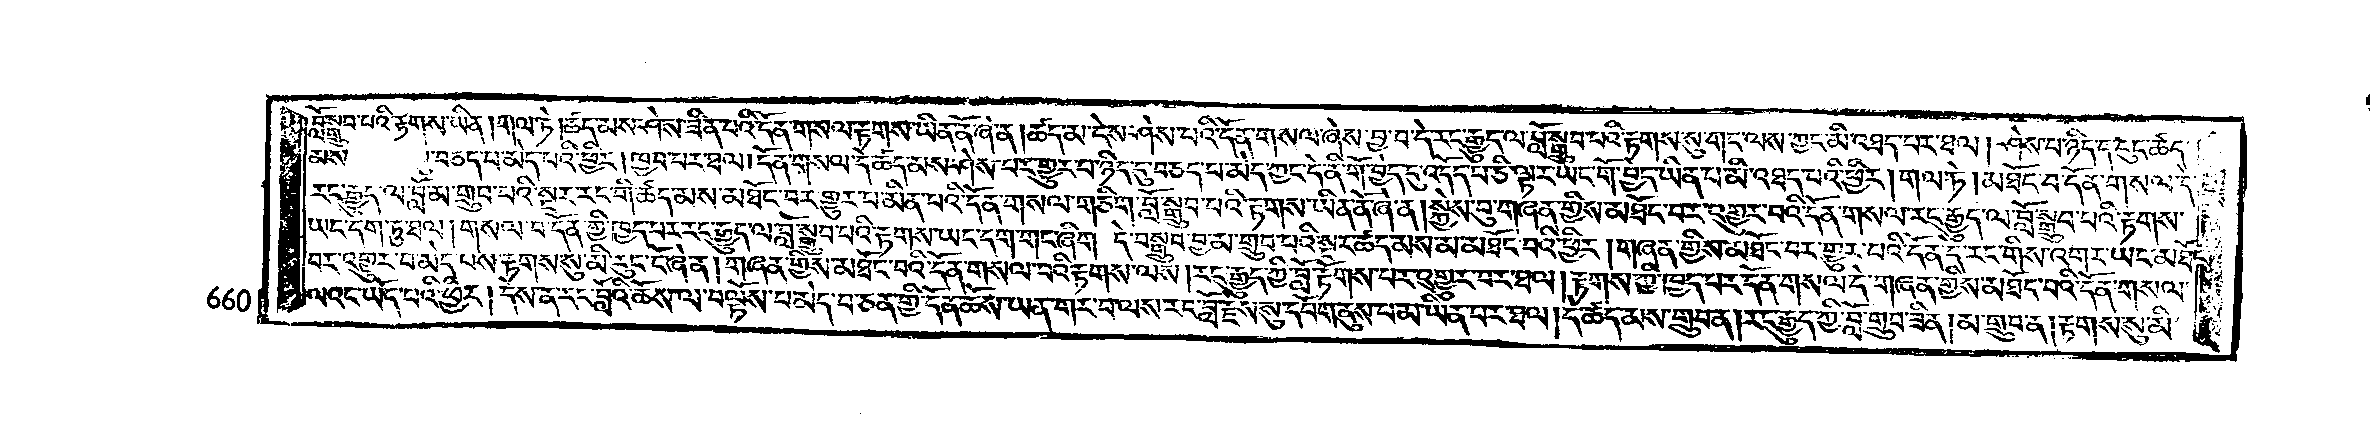བློ་སྒྲུབ་པའི་རྟགས་ཡིན། གལ་ཏེ། ཚད་མས་ཤེས་ཟིན་པའི་དོན་གསལ་རྟགས་ཡིན་ནོ་ཞེ་ན། ཚད་མ་ངེས་ཤེས་པའི་དོན་གསལ་ཞེས་བྱ་བ་དེ་རང་རྒྱུད་ལ་བློ་སྒྲུབ་པའི་རྟགས་སུ་གང་ལས་ཀྱང་མི་འཐད་པར་ཐལ། ཤེས་པ་ཉིད་ད་དུང་?་ཚད་
མས་གསལ་རྟགས་སུ་བཅད་པ་མེད་པའི་ཕྱིར། ཁྱབ་པར་ཐལ། དོན་གསལ་དེ་ཚད་མས་ཤེས་པར་གྱུར་པ་ཉིད་དུ་བཅད་པ་མེད་ཀྱང་དེ་ནི་གོ་བྱེད་དུ་འདོད་པ་ཅི་ལྟར་ཡང་གོ་བྱེད་ཡིན་པ་མི་འཐད་པའི་ཕྱིར། གལ་ཏེ། མཐོང་བ་དོན་གསལ་དེ་
རང་རྒྱུད་ལ་བློ་མ་གྲུབ་པའི་སྔར་རང་གི་ཚད་མས་མཐོང་བར་གྱུར་པ་མིན་པའི་དོན་གསལ་གཅིག་བློ་སྒྲུབ་པའི་རྟགས་ཡིན་ནོ་ཞེ་ན། སྐྱེས་བུ་གཞན་གྱིས་མཐོང་བར་འགྱུར་བའི་དོན་གསལ་རང་རྒྱུད་ལ་བློ་སྒྲུབ་པའི་རྟགས་
ཡང་དག་ཏུ་ཐལ། གསལ་བ་དོན་གྱི་ཁྱད་པར་རང་རྒྱུད་ལ་བློ་སྒྲུབ་པའི་རྟགས་ཡང་དག་གང་ཞིག་དེ་བསྒྲུབ་བྱ་མ་གྲུབ་པའི་སྔར་ཚད་མས་མ་མཐོང་བའི་ཕྱིར། གཞན་གྱིས་མཐོང་བར་གྱུར་པའི་དོན་དེ་རང་གིས་འགར་ཡང་མཐོང་
བར་འགྱུར་བ་མེད་པས་རྟགས་སུ་མི་རུང་ངོ་ཞེ་ན། གཞན་གྱིས་མཐོང་བའི་དོན་གསལ་བའི་རྟགས་ལས། རང་རྒྱུད་ཀྱི་བློ་རྟགས་པར་འགྱུར་བར་ཐལ། རྟགས་ཀྱི་ཁྱད་པར་དོན་གསལ་དེ་གཞན་གྱིས་མཐོང་བའི་དོན་གསལ་
ལའང་ཡོད་པའི་ཕྱིར། དེས་ན་རང་བློའི་ཆོས་ལ་བལྟོས་པ་མེད་པ་ཅན་གྱི་དོན་ཆོས་ཡན་གར་བ་ལས་རང་བློ་རྗེས་སུ་དཔོག་ནུས་པ་མ་ཡིན་པར་ཐལ། དེ་ཚད་མས་གྲུབ་ན། རང་རྒྱུད་ཀྱི་བློ་གྲུབ་ཟིན། མ་གྲུབ་ན། རྟགས་སུ་མི་